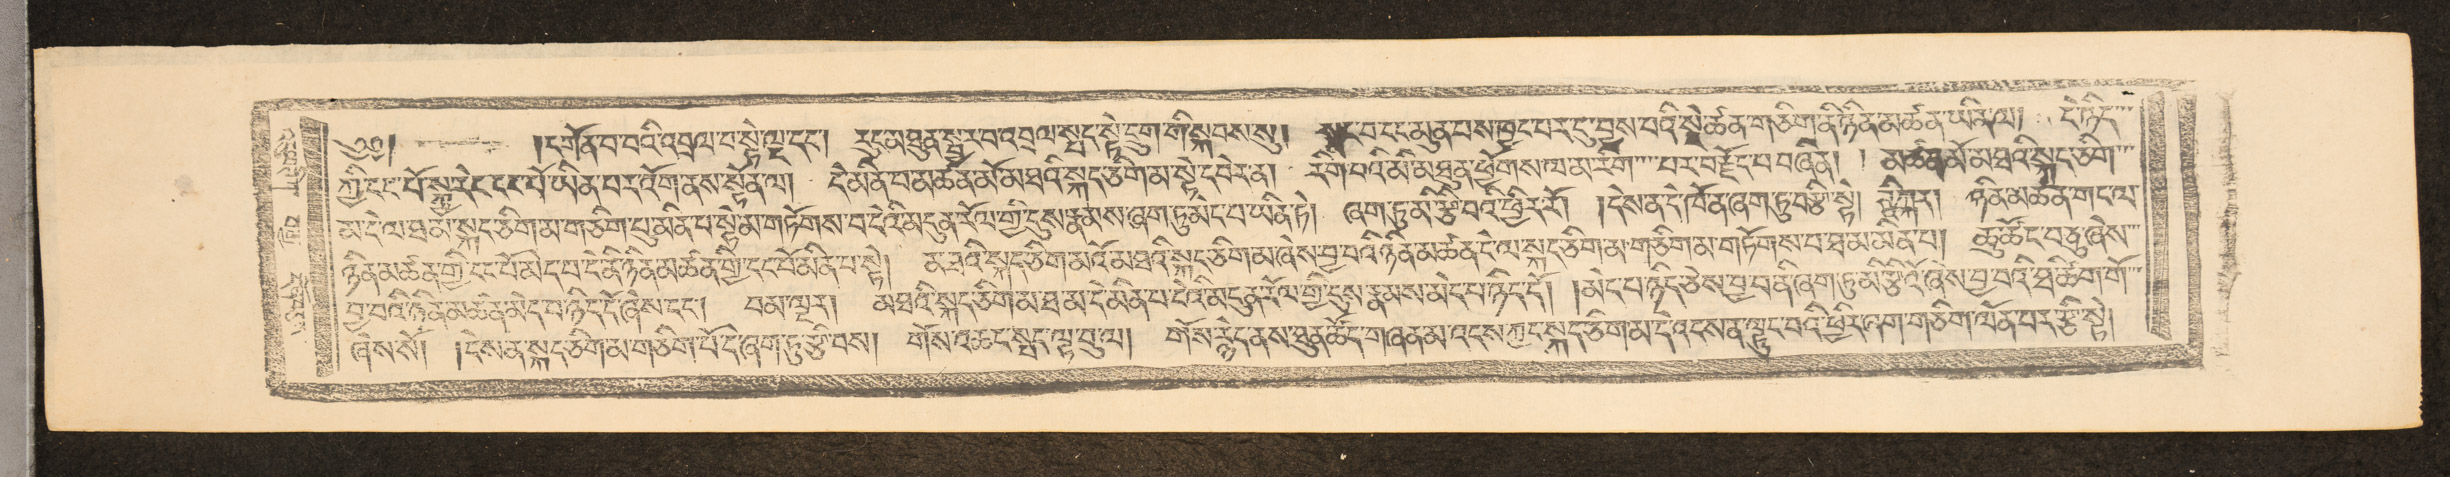༄༅། །དགོན་པ་པའི་འབྲལ་པ་སྟེ་ལྔ་དང་། རུང་མཐུན་སྦྱར་བ་འབྲལ་སྤང་སྟེ་དྲུག་གི་སྐབས་སུ། སྣང་བ་དང་མུན་པས་ཁྱད་པར་དུ་བྱས་པའི་སྡེ་ཚན་གཅིག་ནི་ཉིན་མཚན་ཡིན་ལ། དེ་ཉིད་
ཀྱི་དང་པོ་སྐྱ་རེང་དང་པོ་ཡིན་པར་འོག་ནས་སྟོན་ལ། དེ་མིན་པ་མཚན་མོ་མཐའི་སྐད་ཅིག་མ་སྟེ་དཔེར་ན། རིག་པའི་མི་མཐུན་ཕྱོགས་ལ་མ་རིག་པར་བརྗོད་པ་བཞིན། མཚན་མོ་མཐའི་སྐད་ཅིག་
མ་དེ་ལ་ཐ་མ་སྐད་ཅིག་མ་གཅིག་པུ་མིན་པ་སྟེ་མ་གཏོགས་པ་དེའི་མདུན་རོལ་གྱི་དུས་རྣམས་ཞག་ཏུ་མེད་པ་ཡིན་ཏེ། ཞག་ཏུ་མི་རྩི་བའི་ཕྱིར་རོ། །དེས་ན་དེ་ཁོ་ན་ཞག་ཏུ་བརྩི་སྟེ། ཊཱིཀྐར། ཉིན་མཚན་གང་ལ་
ཉིན་མཚན་གྱི་དང་པོ་མེད་པ་དེ་ནི་ཉིན་མཚན་གྱི་དང་པོ་མིན་པ་སྟེ། མཐའི་སྐད་ཅིག་མའོ་མཐའི་སྐད་ཅིག་མ་ཞེས་བྱ་བའི་ཉིན་མཚན་དེ་ལ་སྐད་ཅིག་མ་གཅིག་མ་གཏོགས་པ་ཐ་མ་མིན་པ། ཆུ་ཚོད་བཅུ་ཞེས་
བྱ་བའི་ཉིན་མཚན་མེད་པ་ཉིད་དོ་ཞེས་དང་། བམ་ལྔར། མཐའི་སྐད་ཅིག་མ་ཐ་མ་དེ་མིན་པ་དེའི་མདུན་རོལ་གྱི་དུས་རྣམས་མེད་པ་ཉིད་དོ། །མེད་པ་ཉིད་ཅེས་བྱ་བ་ནི་ཞག་ཏུ་མི་རྩིའོ་ཞེས་བྱ་བའི་ཐ་ཚིག་གོ་
ཞེས་སོ། །དེས་ན་སྐད་ཅིག་མ་གཅིག་པོ་དེ་ཞག་ཏུ་རྩི་བས། གོས་འཆང་སྤང་ལྟ་བུ་ལ། གོས་རྙེད་ནས་ཐུན་ཚོད་གཞན་མ་འདས་ཀྱང་སྐད་ཅིག་མ་དེ་འདས་ན་ལྟུང་བའི་ཕྱིར་ཞག་གཅིག་ལོན་པར་རྩི་སྟེ།